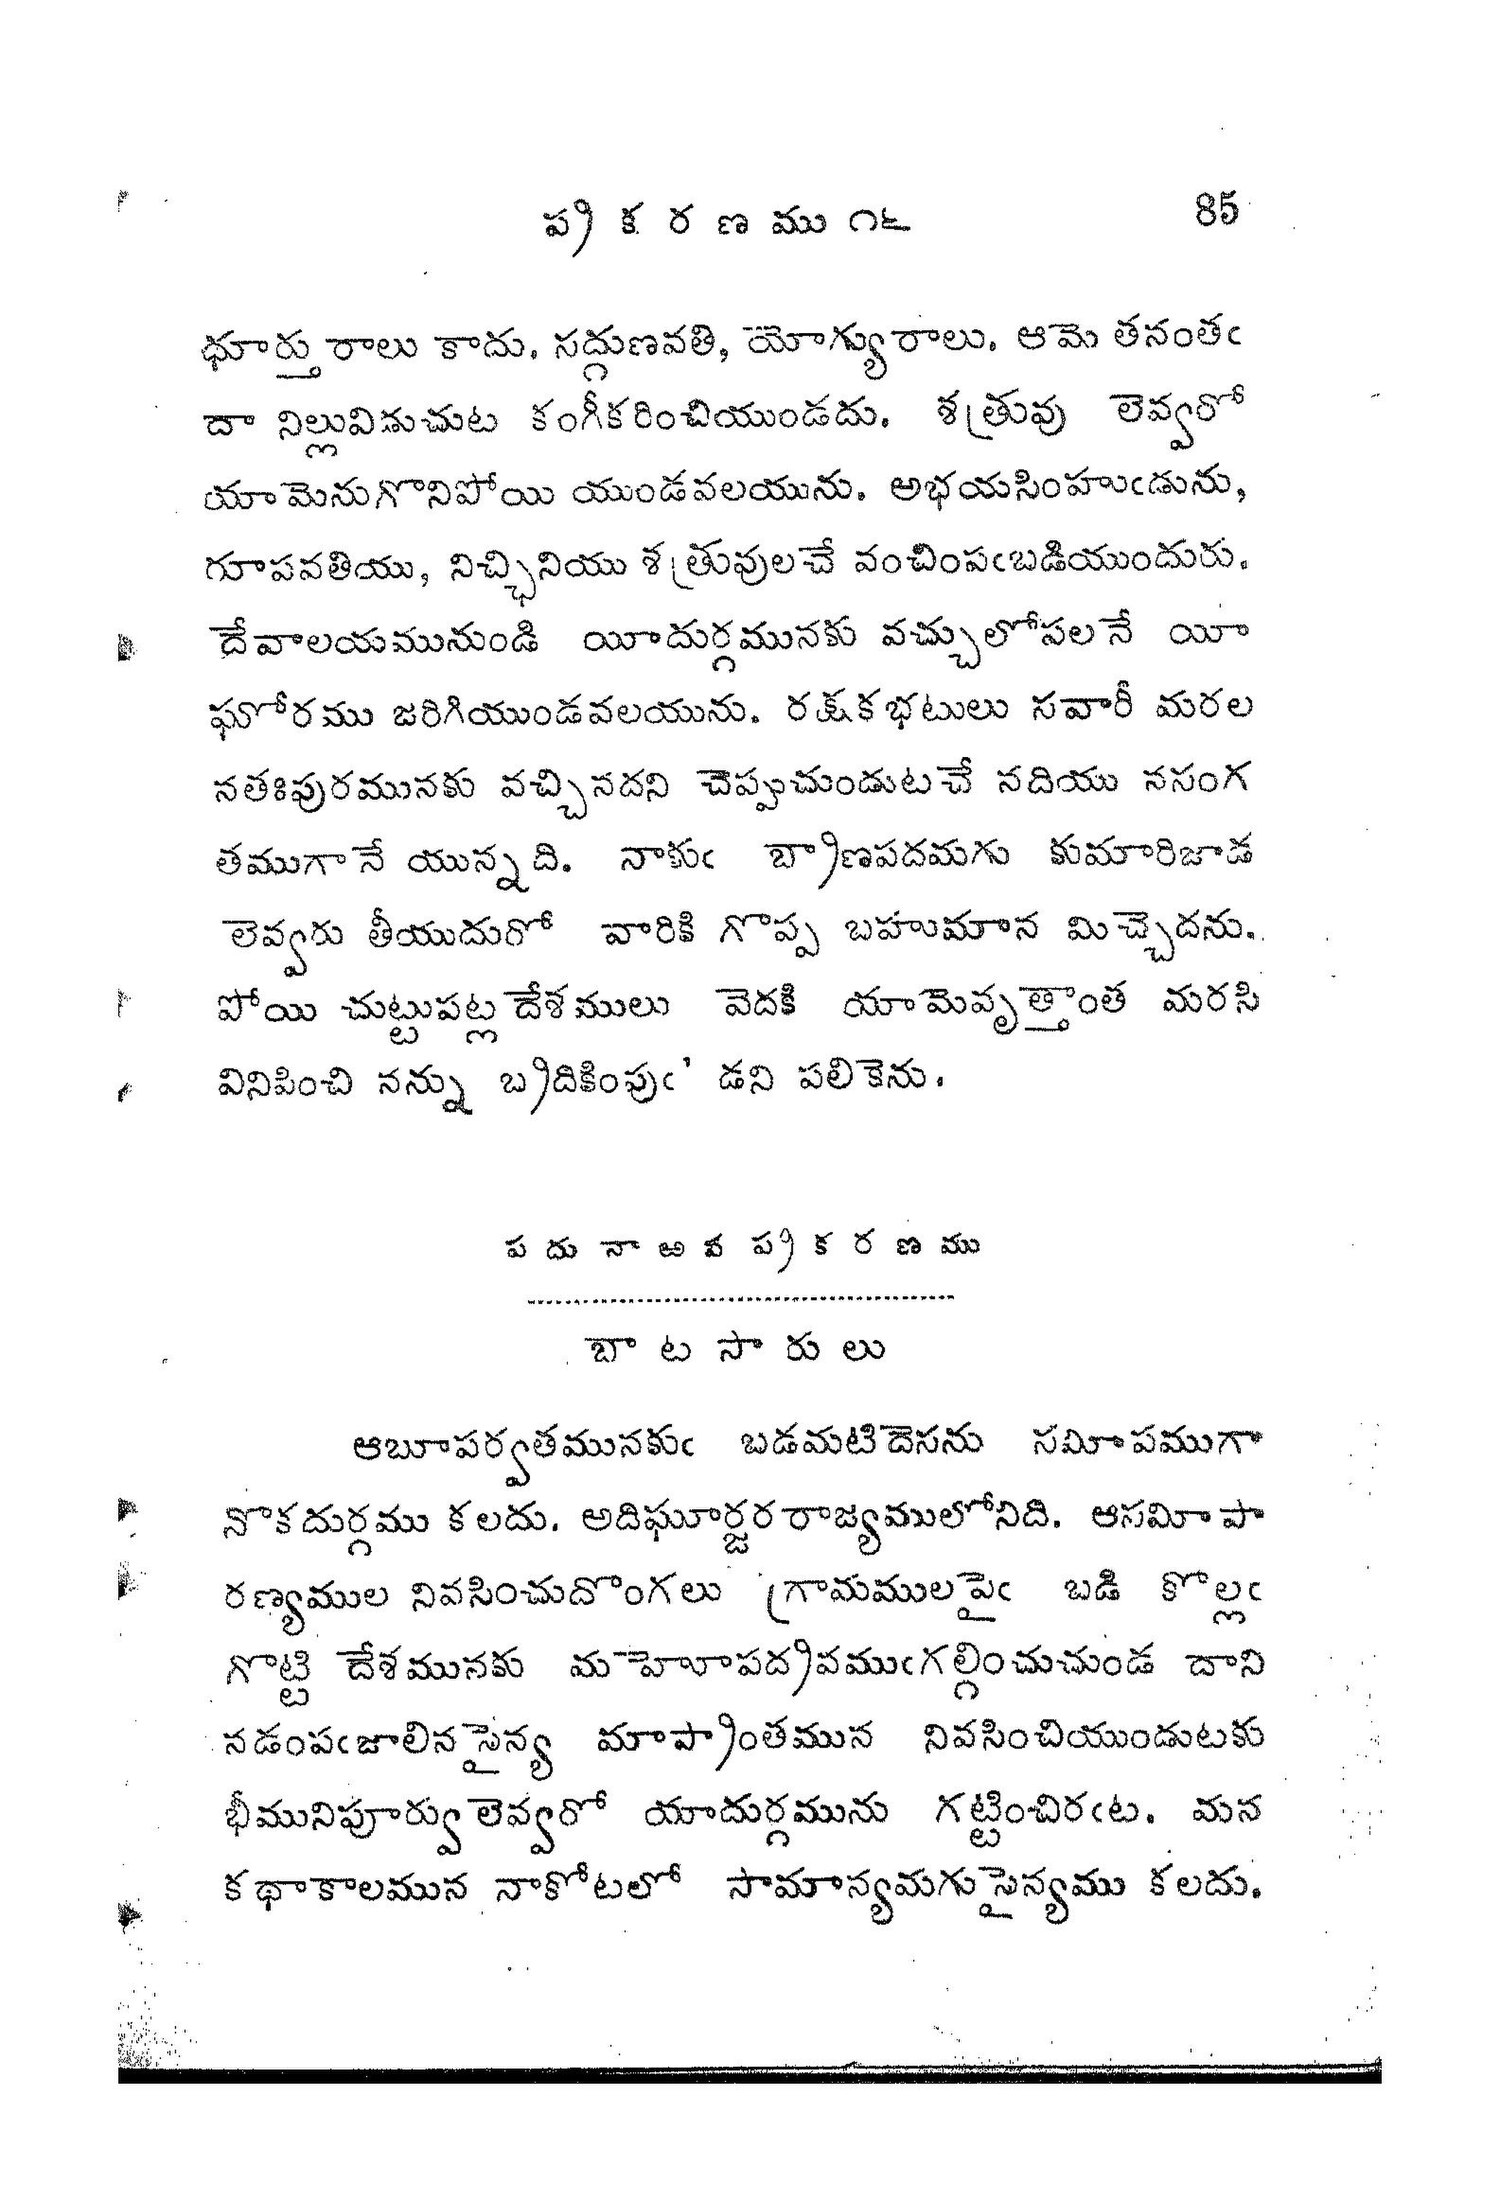ధూర్తు రాలు కాదు. సద్గుణవతి, యోగ్యురాలు, ఆమె తనంతం దా నిల్లు విడుచుట కంగీకరించి యుండదు. శత్రువు లెవ్వరో యామెనుగొనిపోయి యుండవలయును. అభయసింహుఁడును, రూపవతియు, నిచ్ఛినియు శత్రువుల చే వంచింపఁబడియుందురు. దేవాలయమునుండి యీదుర్గమునకు వచ్చులోసల నే యీ ఘోరము జరిగియుండ వలయును. రక్షకభటులు సవారీ మరల నతఃపురమునకు వచ్చినదని చెప్పుచుండుటచే నదియు నసంగ తముగా నే యున్నది. నాకు బ్రాణపదమగు కుమారిజాడ లెవ్వరు తీయుదురో వారికి గొప్ప బహుమాన మిచ్చెదను. పోయి చుట్టుపట్ల దేశములు వెదకి యామె వృత్తాంత మరసి వినిపించి నన్ను బ్రదికింపుఁ ' డని పలికెను . .

సమీపముగా ఆబూపర్వతమునకుఁ బడమటి దెసను నొకదుర్గము కలదు. అదిఘూర్జర రాజ్యములోనిది. ఆసమి పా రణ్యముల నివసించుదొంగలు గ్రామముల పై బడి కొల్లం గొట్టి దేశమునకు మూపదవముఁగల్గించుచుండ దాని నడంపఁ జాలిన సైన్య మాప్రాంతమున నివసించియుండుటకు భీమునిపూర్వు లెవ్వరో యాదుర్గమును గట్టించిరఁట. మన కథాకాలమున నాకోటలో సామాన్యమగు సైన్యము కలదు.